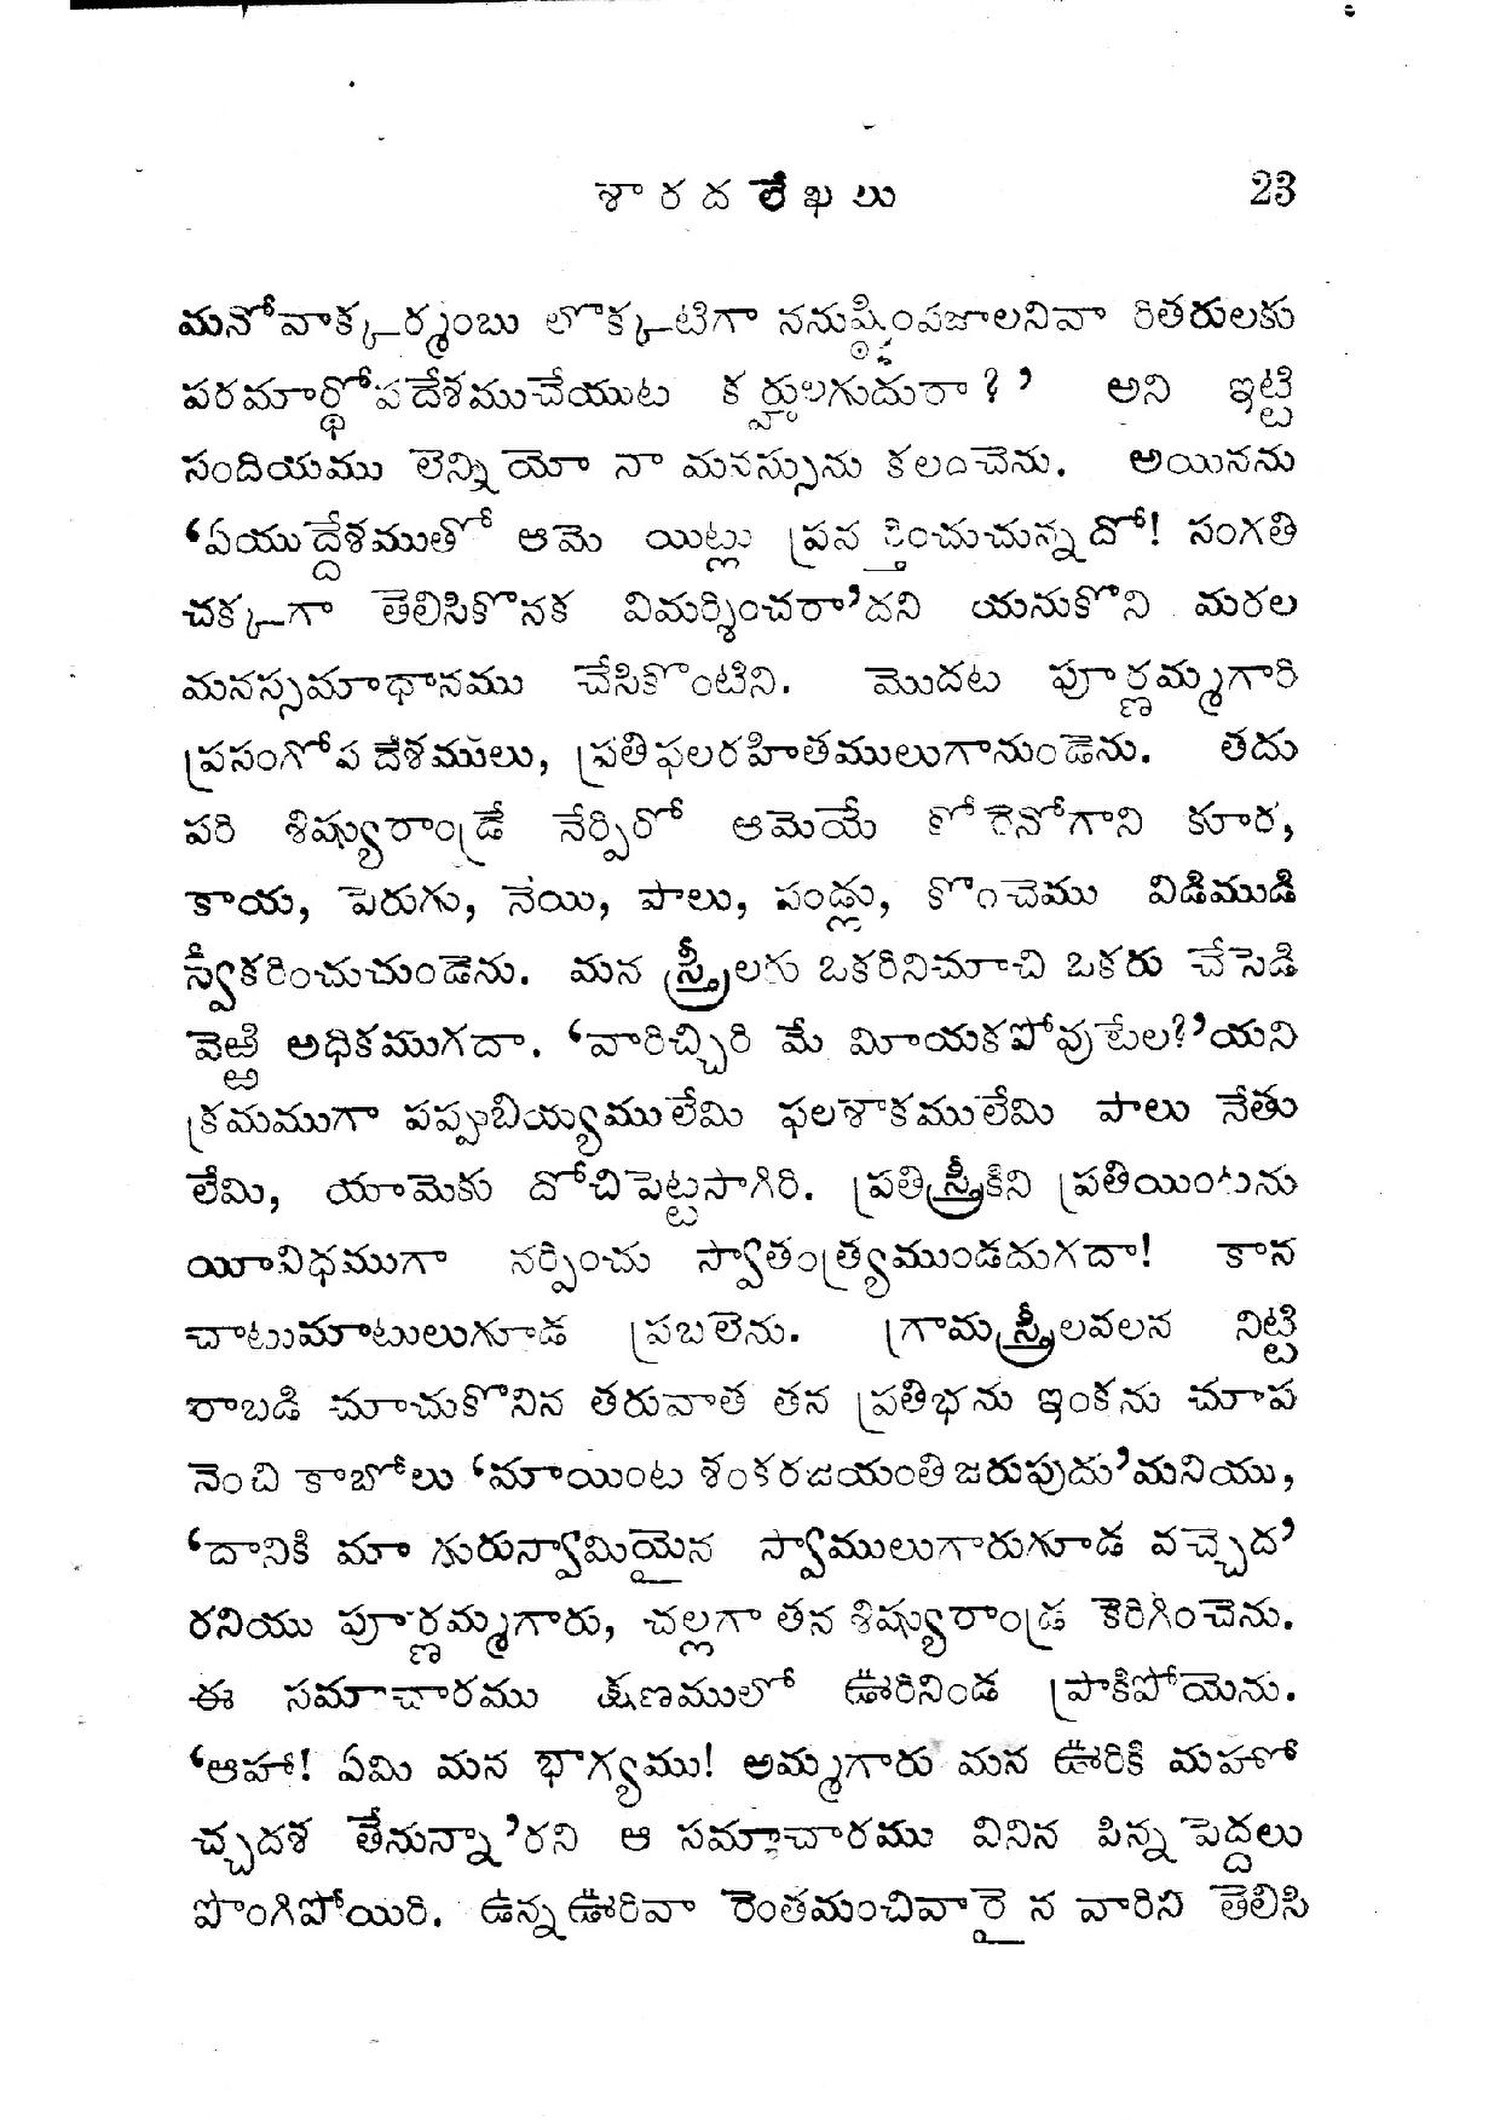మనోవాక్కర్మంబు లొక్కటిగా ననుష్ఠింపజాలనివా రితరులకు
పరమార్థోపదేశముచేయుట కర్హులగుదురా?' అని ఇట్టి
సందియము లెన్నియో నా మనస్సును కలంచెను. అయినను
'ఏయుద్దేశముతో ఆమె యిట్లు ప్రవర్తించుచున్నదో! సంగతి
చక్కగా తెలిసికొనక విమర్శించరా'దని యనుకొని మరల
మనస్సమాధానము చేసికొంటిని. మొదట పూర్ణమ్మగారి
ప్రసంగోపదేశములు, ప్రతిఫలరహితములుగానుండెను. తదు
పరి శిష్యురాండ్రే నేర్పిరో ఆమెయే కోరెనోగాని కూర,
కాయ, పెరుగు, నేయి, పాలు, పండ్లు, కొంచెము విడిముడి
స్వీకరించుచుండెను. మన స్త్రీలకు ఒకరిని చూచి ఒకరు చేసెడి
వెఱ్ఱి అధికముగదా. 'వారిచ్చిరి మే మీయకపోవుటేల?' యని
క్రమముగా పప్పుబియ్యములేమి ఫలశాకములేమి పాలు నేతు
లేమి, యామెకు దోచి పెట్టసాగిరి. ప్రతి స్త్రీకిని ప్రతియింటను
యీవిధముగా నర్పించు స్వాతంత్ర్యముండదుగదా! కాన
చాటుమాటులుగూడ ప్రబలెను. గ్రామ స్త్రీలవలన నిట్టి
రాబడి చూచుకొనిన తరువాత తన ప్రతిభను ఇంకను చూప
నెంచి కాబోలు 'మాయింట శంకర జయంతి జరుపుదు' మనియు,
'దానికి మా గురుస్వామియైన స్వాములుగారు గూడ వచ్చెద '
రనియు పూర్ణమ్మగారు, చల్లగా తన శిష్యురాండ్ర కెరిగించెను.
ఈ సమాచారము క్షణములో ఊరినిండ ప్రాకిపోయెను.
'ఆహా! ఏమి మన భాగ్యము! అమ్మగారు మన ఊరికి మహో
చ్ఛదశ తేనున్నా'రని ఆ సమాచారము వినిన పిన్న పెద్దలు
పొంగిపోయిరి. ఉన్న ఊరివా రెంతమంచివారైన వారిని తెలిసి